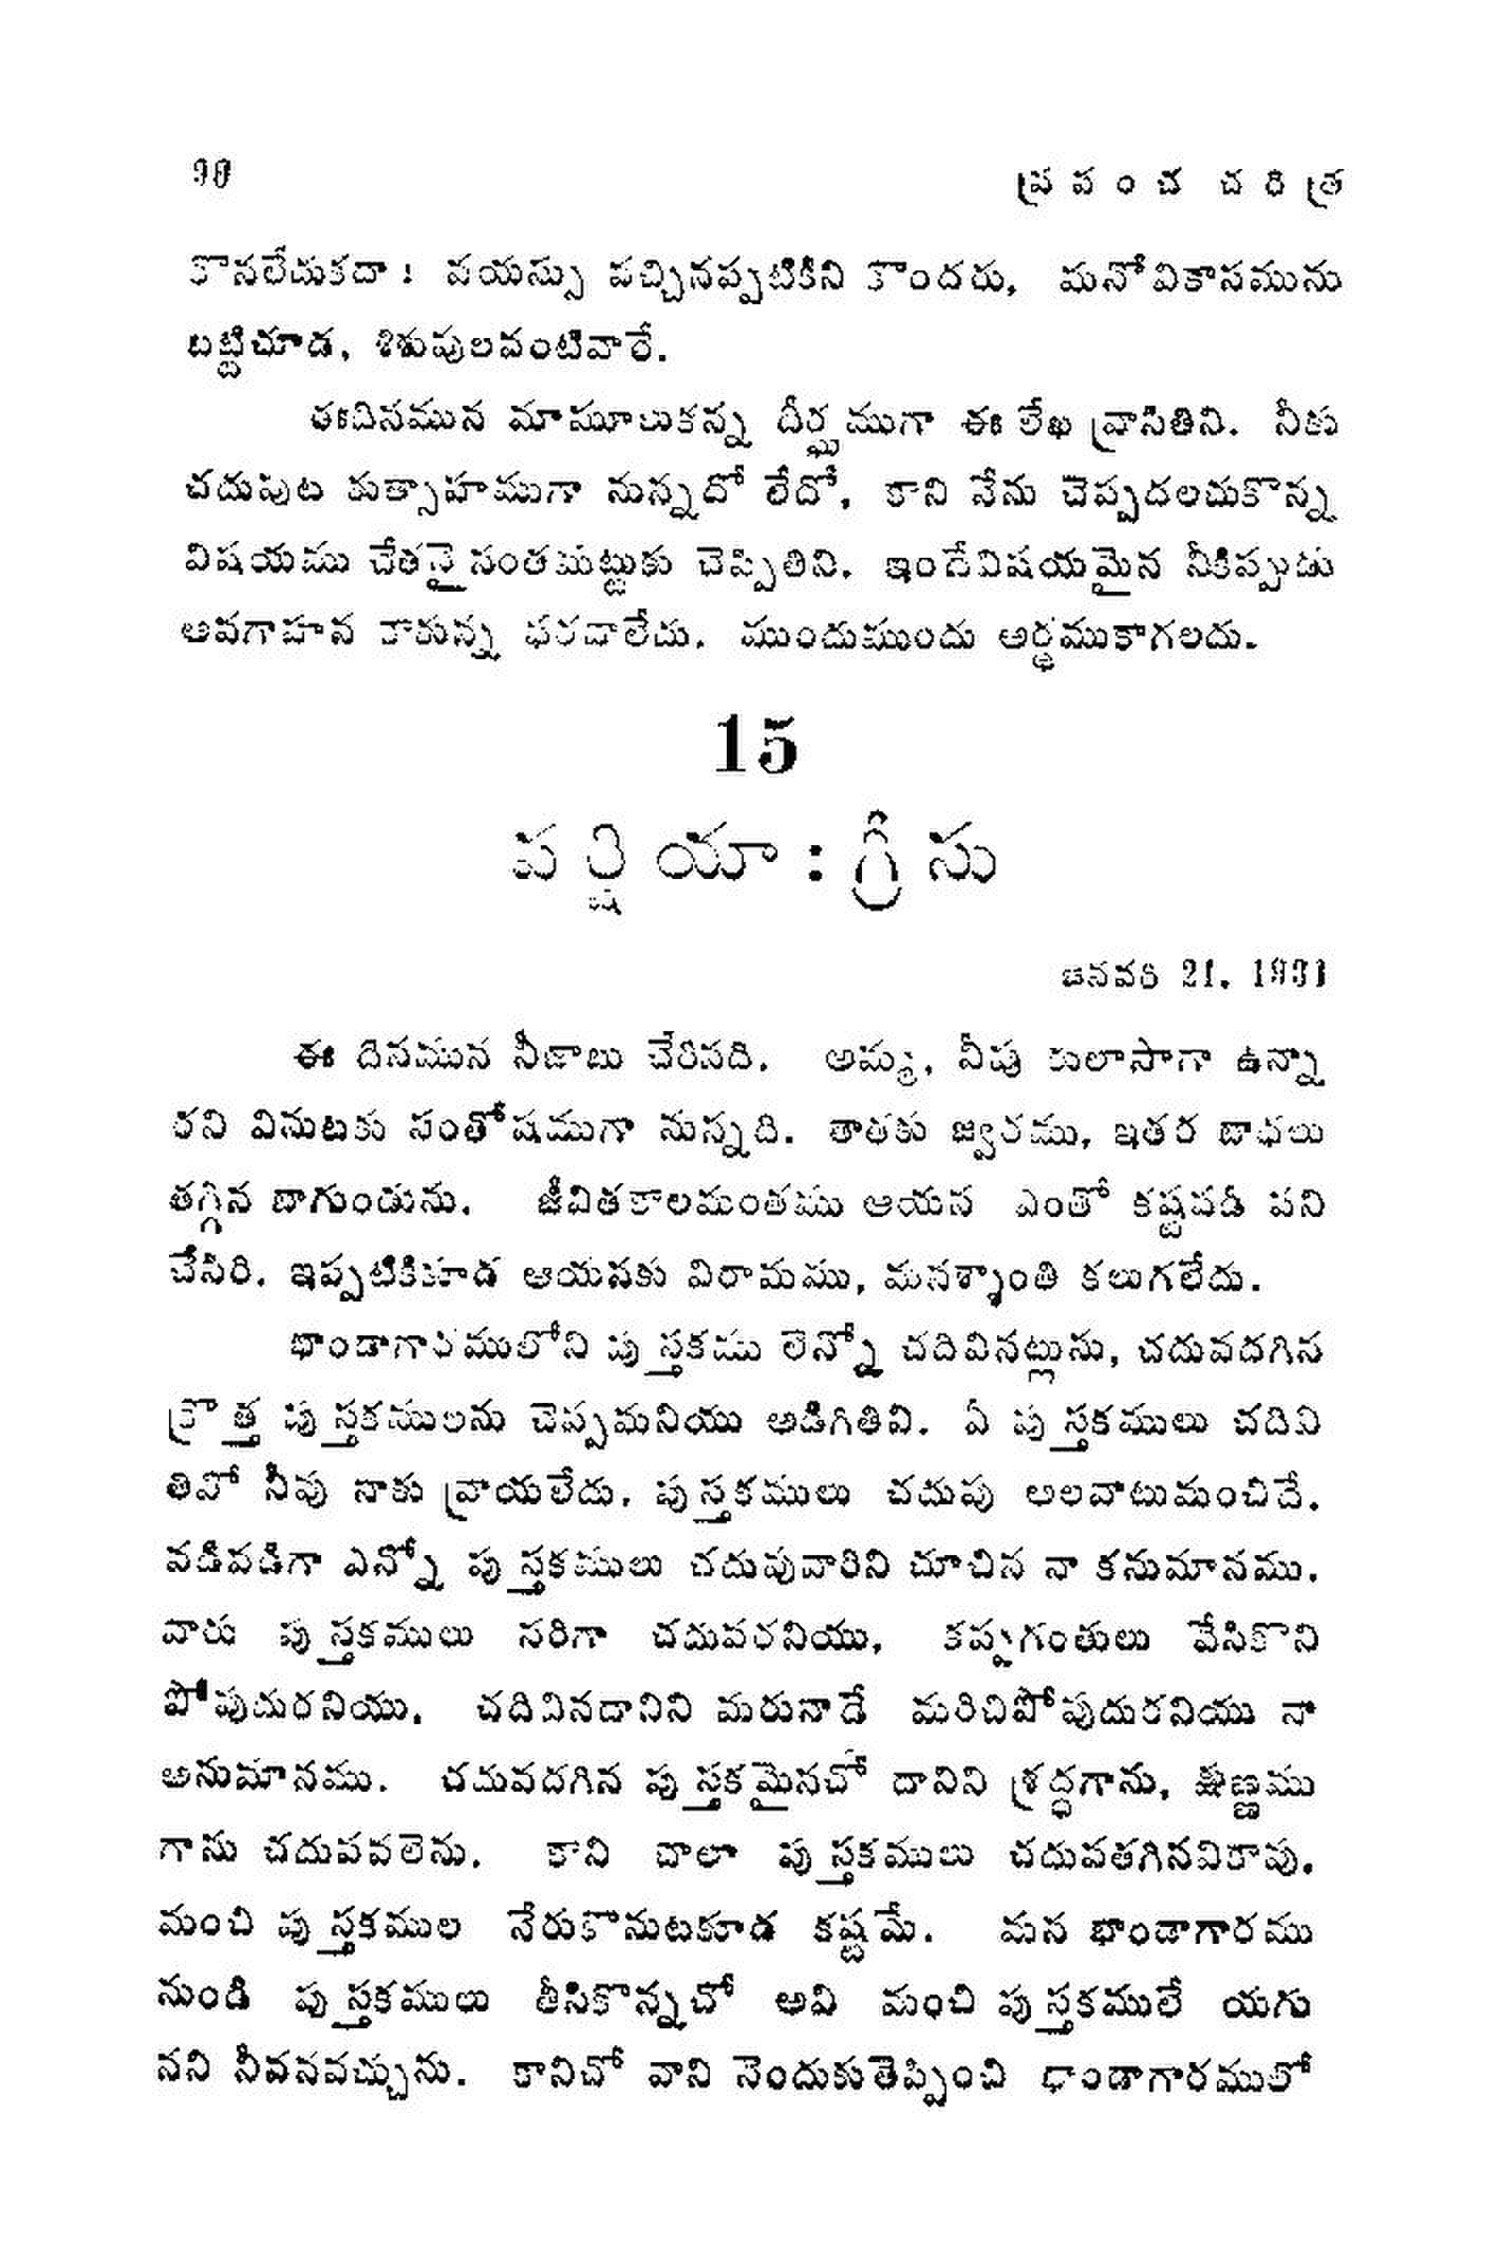కొనలేదుకదా! వయస్సు వచ్చినప్పటికిని కొందరు, మనోవికాసమును బట్టిచూడ, శిశువులవంటివారే.

ఈదినమున మామూలుకన్న దీర్ఘముగా ఈ లేఖ వ్రాసితిని. నీకు చదువుట కుత్సాహముగా నున్నదో లేదో, కాని నేను చెప్పదలచుకొన్న విషయము చేతనైనంతమట్టుకు చెప్పితిని. ఇందేవిషయమైన నీకిప్పుడు అవగాహన కాకున్న ఫరవాలేదు. ముందుముందు అర్థముకాగలదు.

15 
పర్షియా : గ్రీసు

ఈ దినమున నీజాబు చేరినది. అమ్మ, నీవు కులాసాగా ఉన్నారని వినుటకు సంతోషముగా నున్నది. తాతకు జ్వరము, ఇతర బాధలు తగ్గిన బాగుండును. జీవితకాలమంతము ఆయన ఎంతో కష్టపడి పనిచేసిరి. ఇప్పటికికూడ ఆయనకు విరామము, మనశ్శాంతి కలుగలేదు.

భాండాగారములోని పుస్తకము లేన్నో చదివినట్లును, చదువదగిన క్రొత్త పుస్తకములను చెప్పమనియు అడిగితివి. ఏ పుస్తకములు చదివితివో నీవు నాకు వ్రాయలేదు. పుస్తకములు చదువు అలవాటుమంచిచే. వడివడిగా ఎన్నో పుస్తకములు చదువువారిని చూచిన నా కనుమానము. వారు పుస్తకములు సరిగా చదువరనియు, కప్పగంతులు వేసికొని పోపుచురనియు, చదివినదానిని మరునాడే మరిచిపోపుదురనియు నా అనుమానము. చదువదగిన పుస్తకమైనచో దానిని శ్రద్ధగాను, క్షుణ్ణముగాను చదువవలెను. కాని చాలా పుస్తకములు చదువతగినవికావు. మంచి పుస్తకముల నేరుకొనుటకూడ కష్టమే. మన భాండాగారము నుండి పుస్తకములు తీసికొన్నచో అవి మంచి పుస్తకములే యగునని నీవనవచ్చును. కానిచో వాని నెందుకుతెప్పించి భాండాగారములో